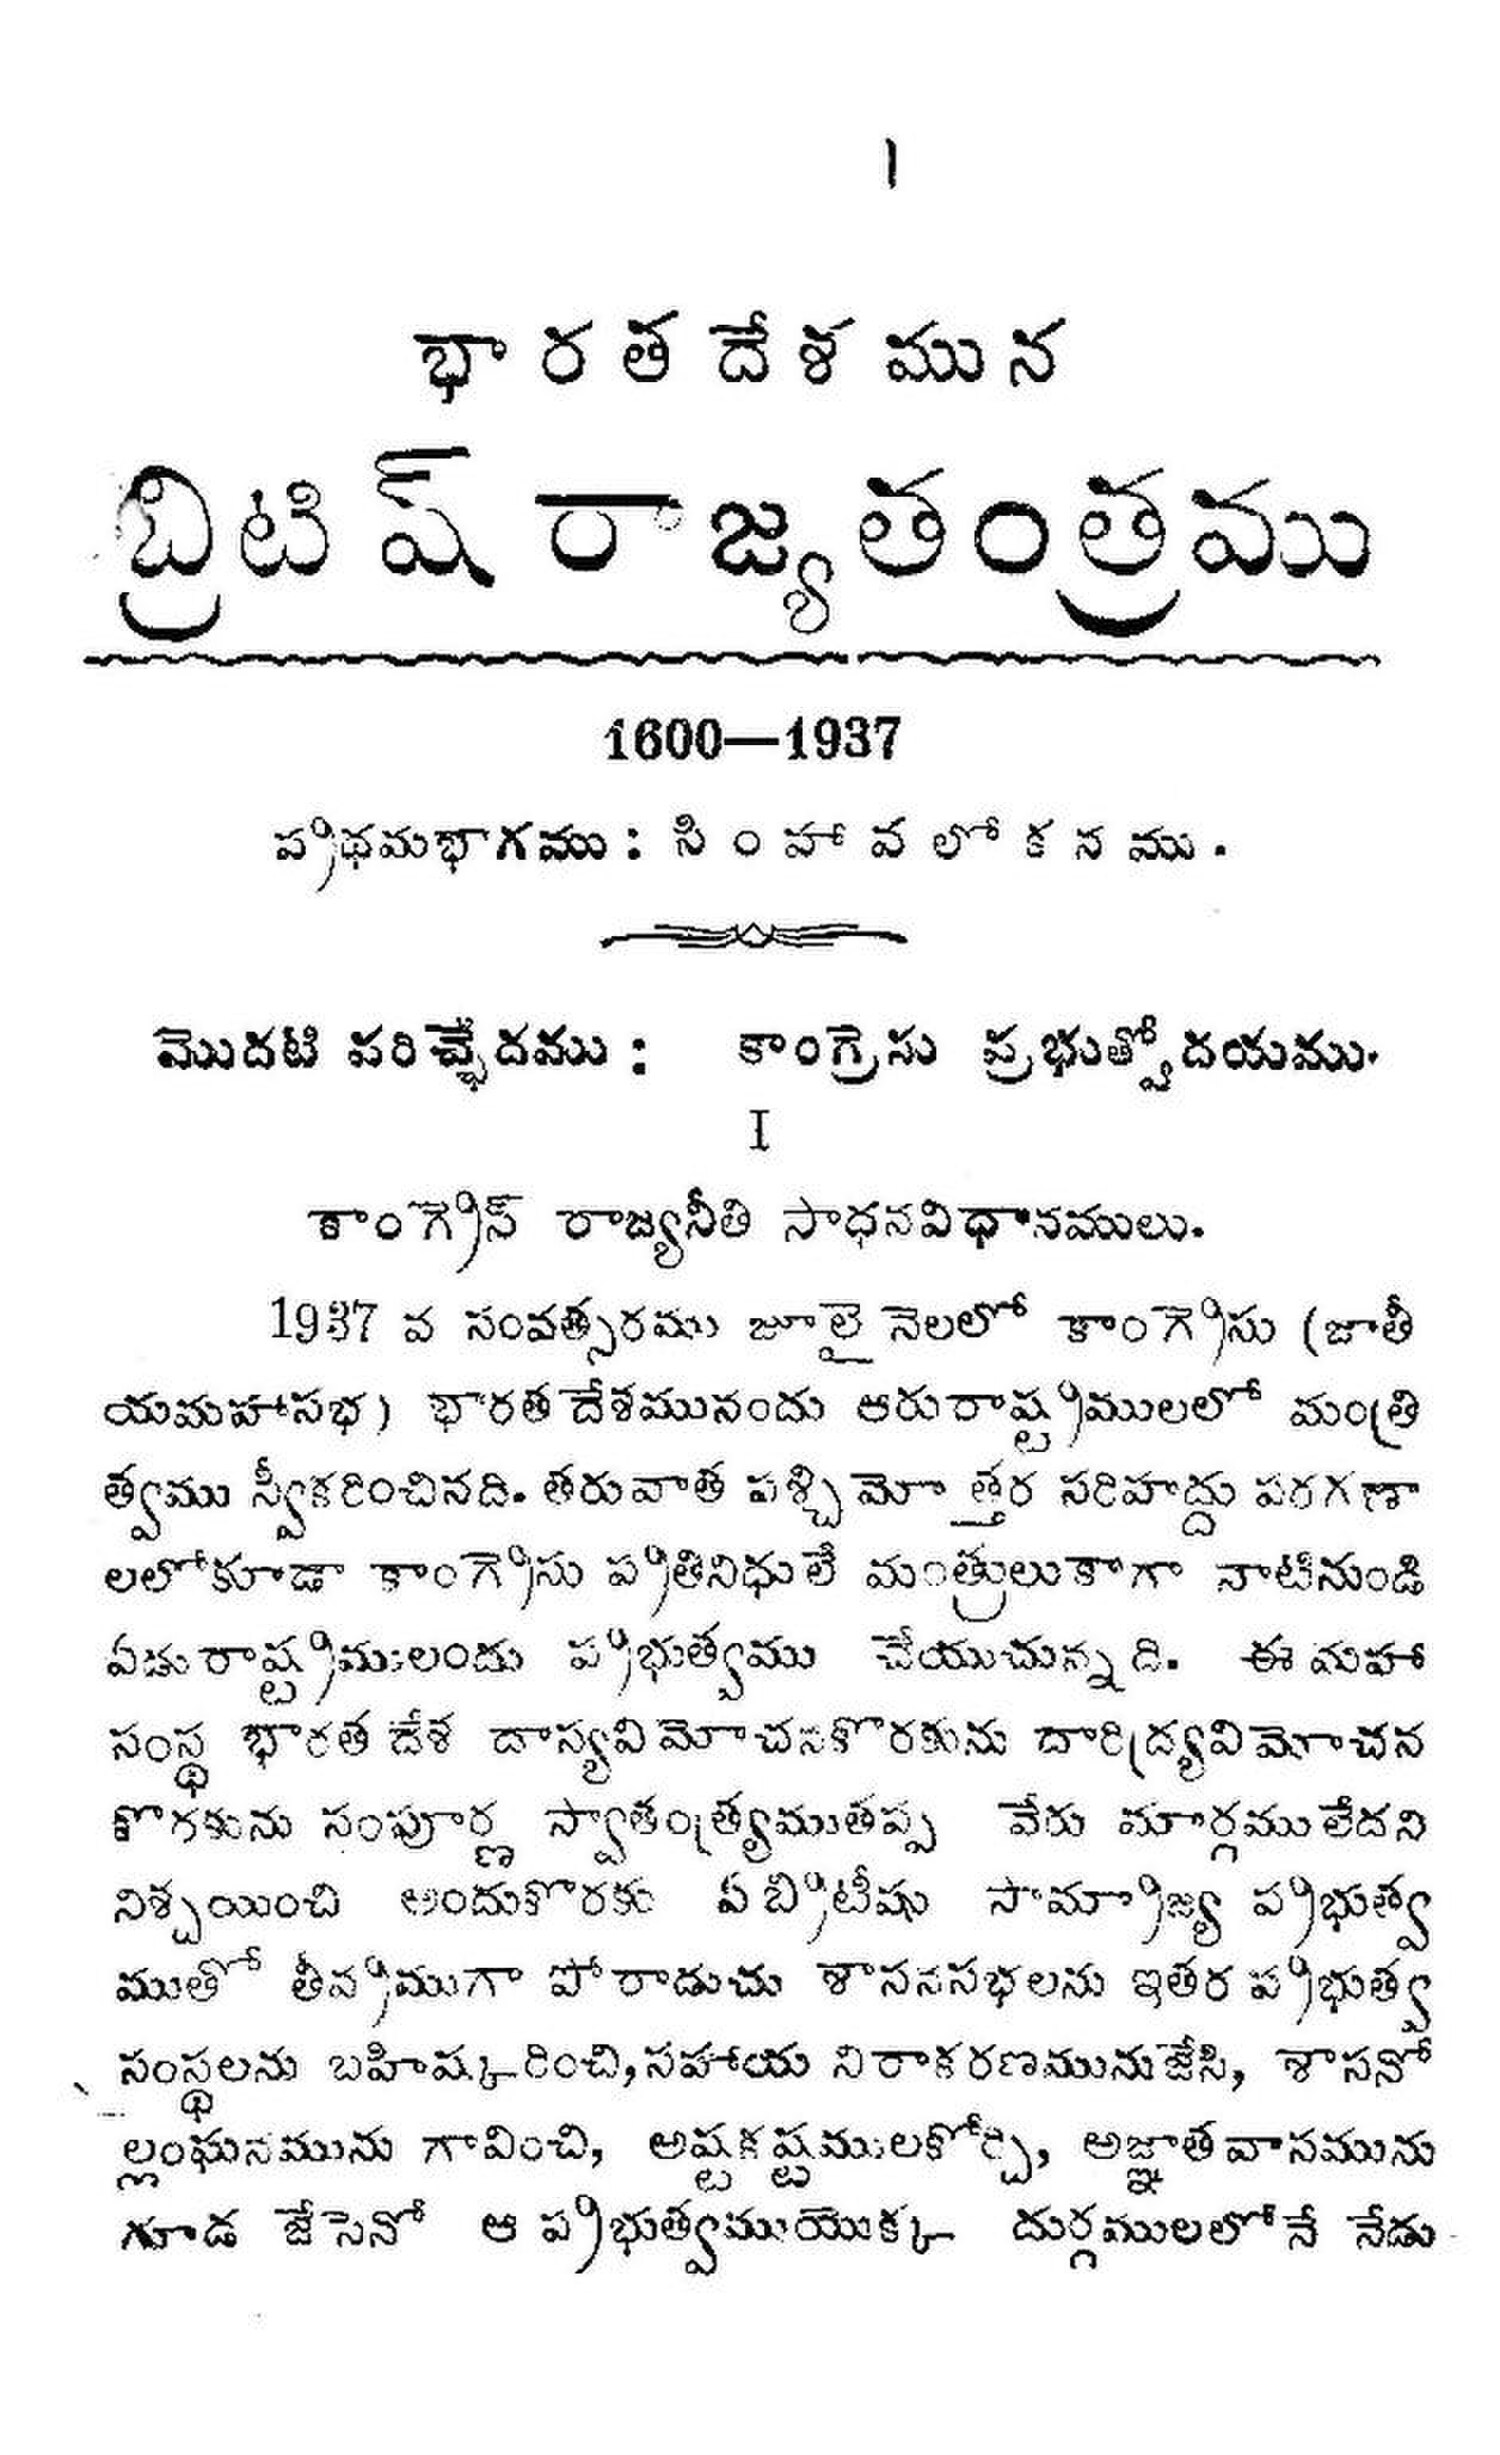భారతదేశమున
బ్రిటిష్ రాజ్యతంత్రము
1600 - 1937 
ప్రథమభాగము : సింహావలోకనము.
మొదటి వరిచ్ఛేదము : కాంగ్రెసు ప్రభుత్వోదయము.
I 
కాంగ్రెస్ రాజ్యనీతి సాధనవిధానములు. 

1937 వ సంవత్సరము జూలై నెలలో కాంగ్రెసు (జాతీయమహాసభ) భారతదేశమునందు ఆరురాష్ట్రములలో మంత్రిత్వము స్వీకరించినది. తరువాత పశ్చిమోత్తర సరిహద్దు పరగణాలలో కూడా కాంగ్రెసు ప్రతినిధులే మంత్రులుకాగా నాటినుండి ఏడురాష్ట్రములందు ప్రభుత్వము చేయుచున్నది. ఈ మహాసంస్థ భారతదేశ దాస్యవిమోచనకొరకును దారిద్ర్యవిమోచన కొరకును సంపూర్ణ స్వాతంత్ర్యముతప్ప వేరు మార్గములేదని నిశ్చయించి అందుకొరకు ఏబ్రిటీషు సామ్రాజ్య ప్రభుత్వముతో తీవ్రముగా పోరాడుచు శాసనసభలను ఇతరప్రభుత్వ సంస్థలను బహిష్కరించి, సహాయ నిరాకరణమును జేసి, శాసనోల్లంఘనమును గావించి, అష్టకష్టములకోర్చి, అజ్ఞాతవాసమును గూడ జేసెనో ఆ ప్రభుత్వముయొక్క దుర్గములలోనే నేడు